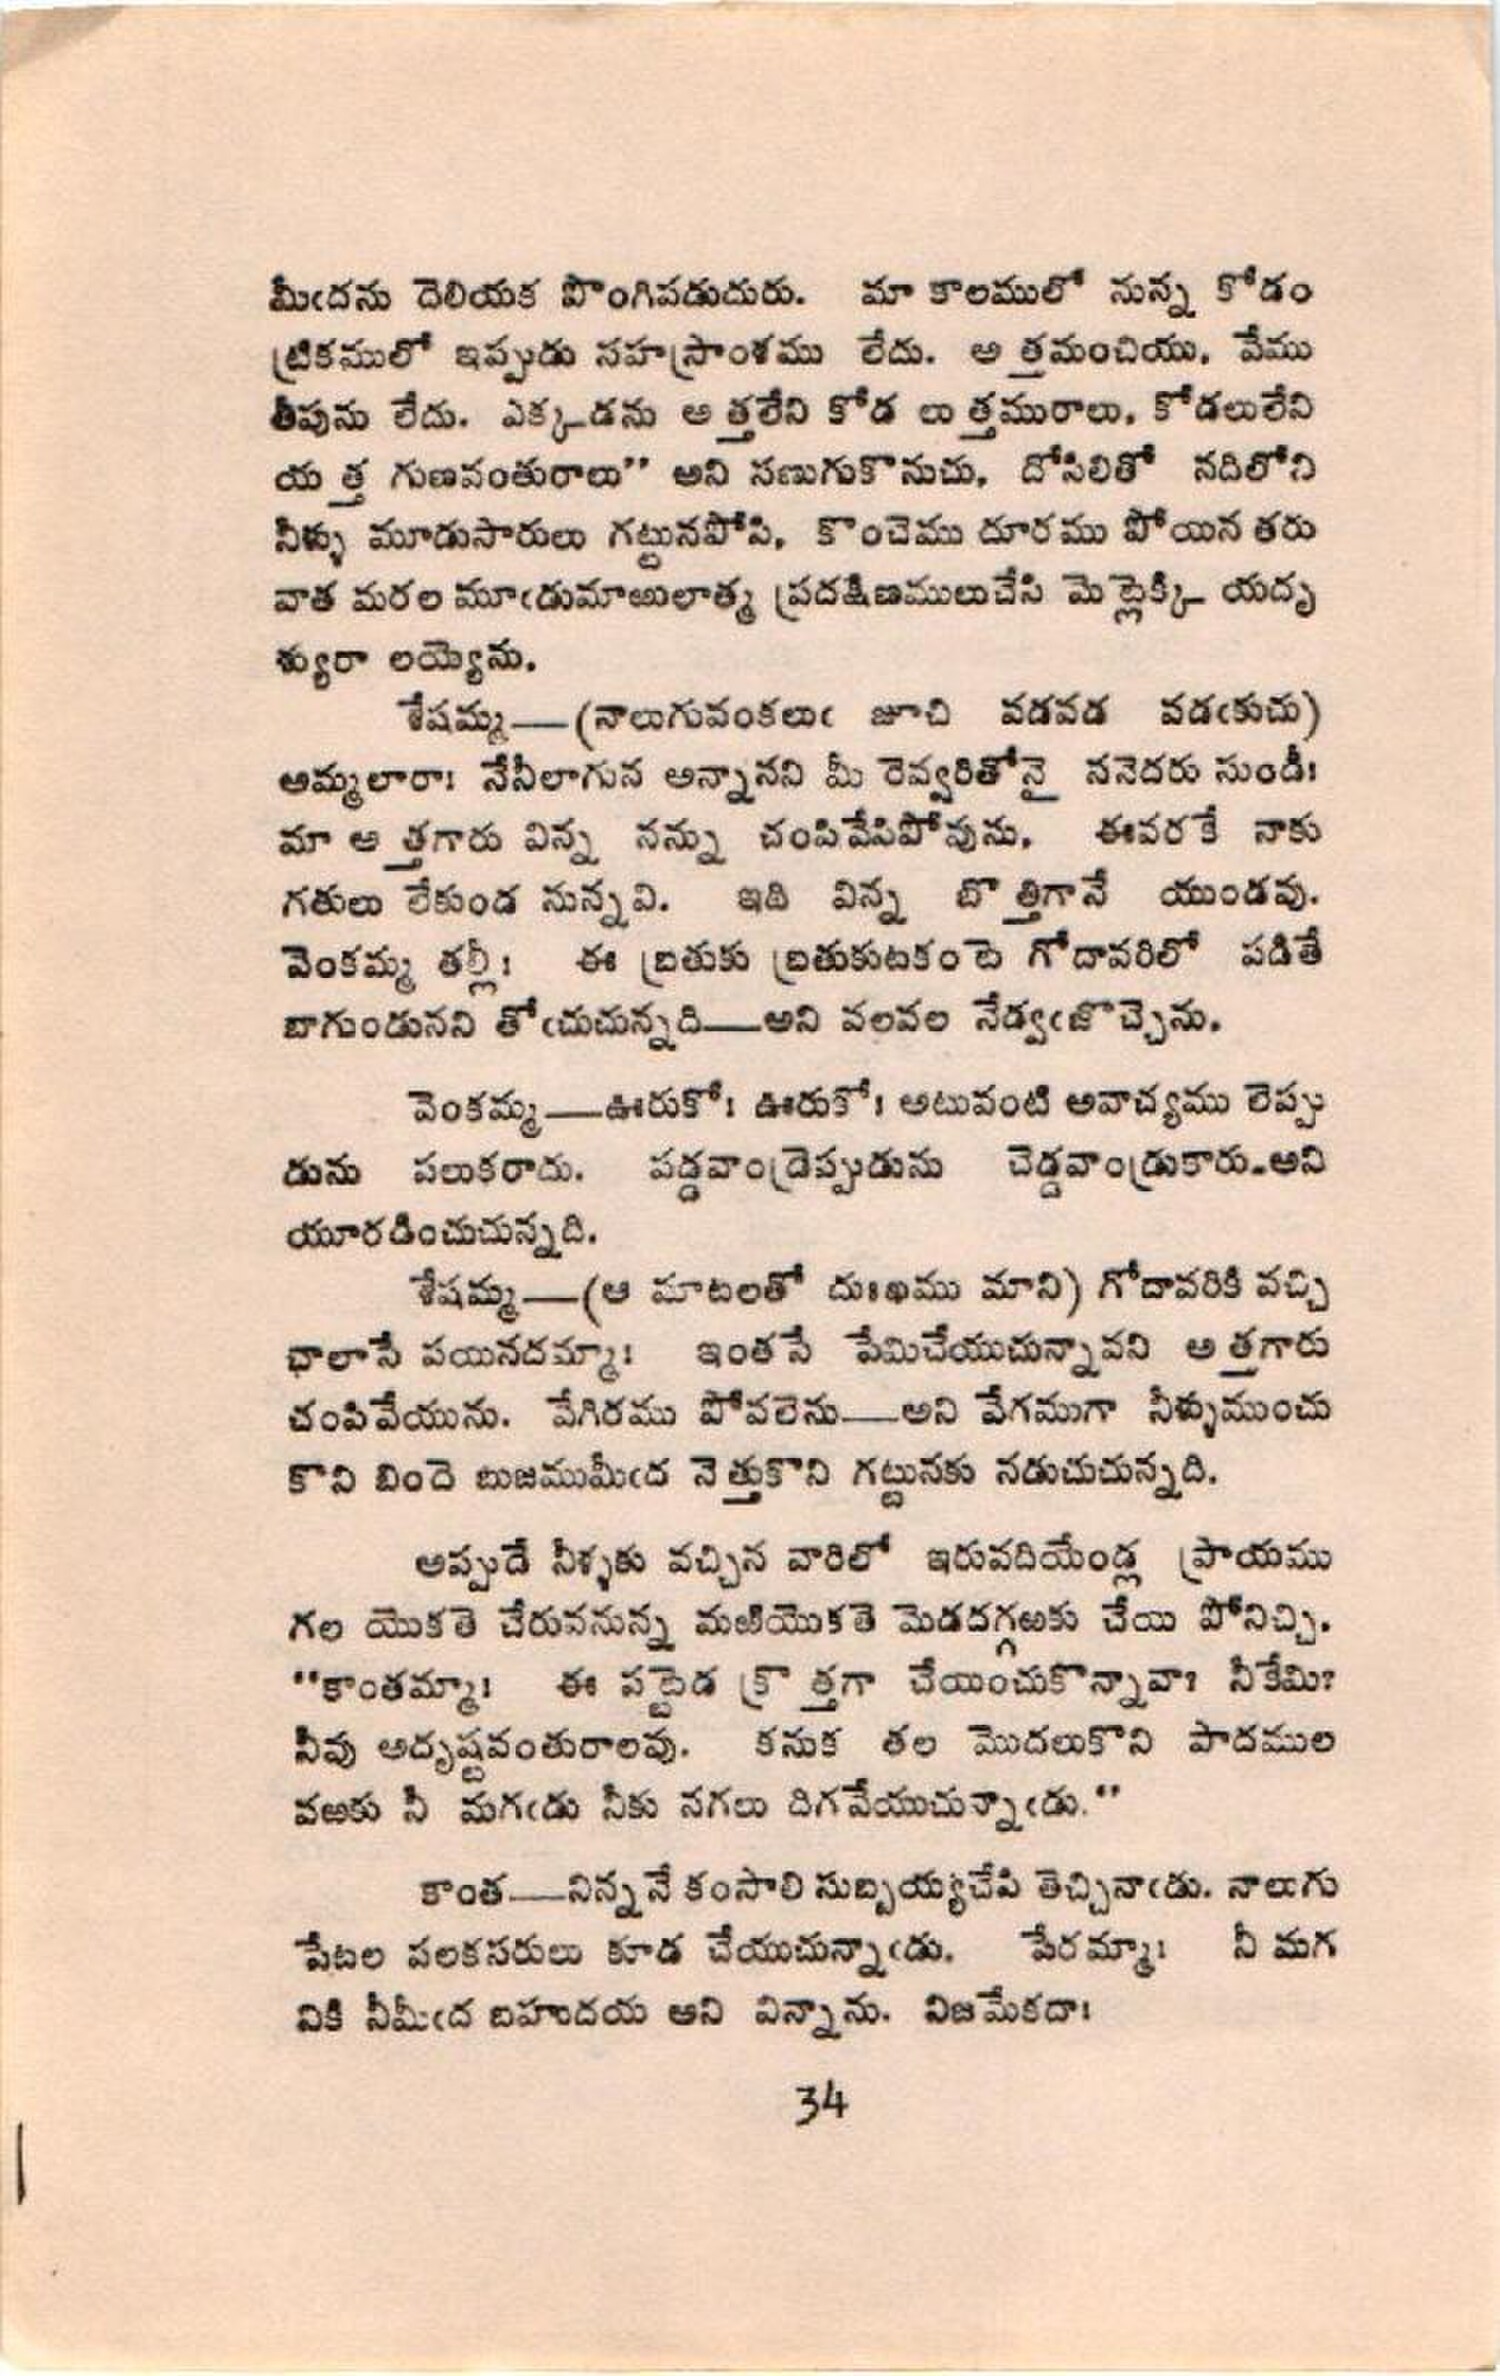మీఁదను దెలియక పొంగిపడుదురు. మా కాలములో నున్న కోడం ట్రికములో ఇప్పుడు సహస్రాంశము లేదు. అత్తమంచియు, వేము తీపును లేదు. ఎక్కడను అత్తలేని కోడలుత్తమురాలు, కోడలులేని యత్త గుణవంతురాలు" అని సణుగుకొనుచు, దోసిలితో నదిలోని నీళ్ళు మూడుసారులు గట్టునపోసి, కొంచెము దూరము పోయిన తరు వాత మరల మూఁడుమాఱులాత్మ ప్రదక్షిణములుచేసి మెట్లెక్కి యదృశ్యురా లయ్యెను,

శేషమ్మ__ (నాలుగువంకలుఁ జూచి వడవడ వడఁకుచు) అమ్మలారా! నేనీలాగున అన్నానని మీ రెవ్వరితోనై ననెదరు సుండీ! మా ఆత్తగారు విన్న నన్ను చంపివేసిపోవును, ఈవరకే నాకు గతులు లేకుండ నున్నవి. ఇది విన్న బొత్తిగానే యుండవు. వెంకమ్మ తల్లీ! ఈ బ్రతుకు బ్రతుకుటకంటె గోదావరిలో పడితే బాగుండునని తోఁచుచున్నది__అని వలవల నేడ్వఁజొచ్చెను,

వెంకమ్మ__ఊరుకో!ఊరుకో! అటువంటి అవాచ్యము లెప్పుడును పలుకరాదు. పడ్డవాండ్రెప్పుడును చెడ్డవాండ్రుకారు-అని యూరడించుచున్నది.

శేషమ్మ__(ఆ మాటలతో దుఃఖము మాని) గోదావరికి వచ్చి చాలాసే పయినదమ్మా! ఇంతసే పేమిచేయుచున్నావని అత్తగారు చంపివేయును. వేగిరము పోవలెను__అని వేగముగా నీళ్ళు ముంచు కొని బిందె బుజముమీఁద నెత్తుకొని గట్టునకు నడుచుచున్నది.

అప్పడే నీళ్ళకు వచ్చిన వారిలో ఇరువదియేండ్ల ప్రాయము గల యొకతె చేరువనున్న మఱియొకతె మెడదగ్గఱకు చేయి పోనిచ్చి, "కాంతమ్మా! ఈ పట్టెడ క్రొత్తగా చేయించుకొన్నావా? నీకేమి? నీవు అదృష్టవంతురాలవు. కనుక తల మొదలుకొని పాదముల వఱకు నీ మగఁడు నీకు నగలు దిగవేయుచున్నాడు."

కాంత__నిన్ననే కంసాలి సుబ్బయ్యచేసి తెచ్చినాఁడు. నాలుగు పేటల పలక సరులు కూడ చేయుచున్నాడు. పేరమ్మా! నీ మగ వికీ నీమీఁద బహుదయ అని విన్నాను. నిజమేకదా!